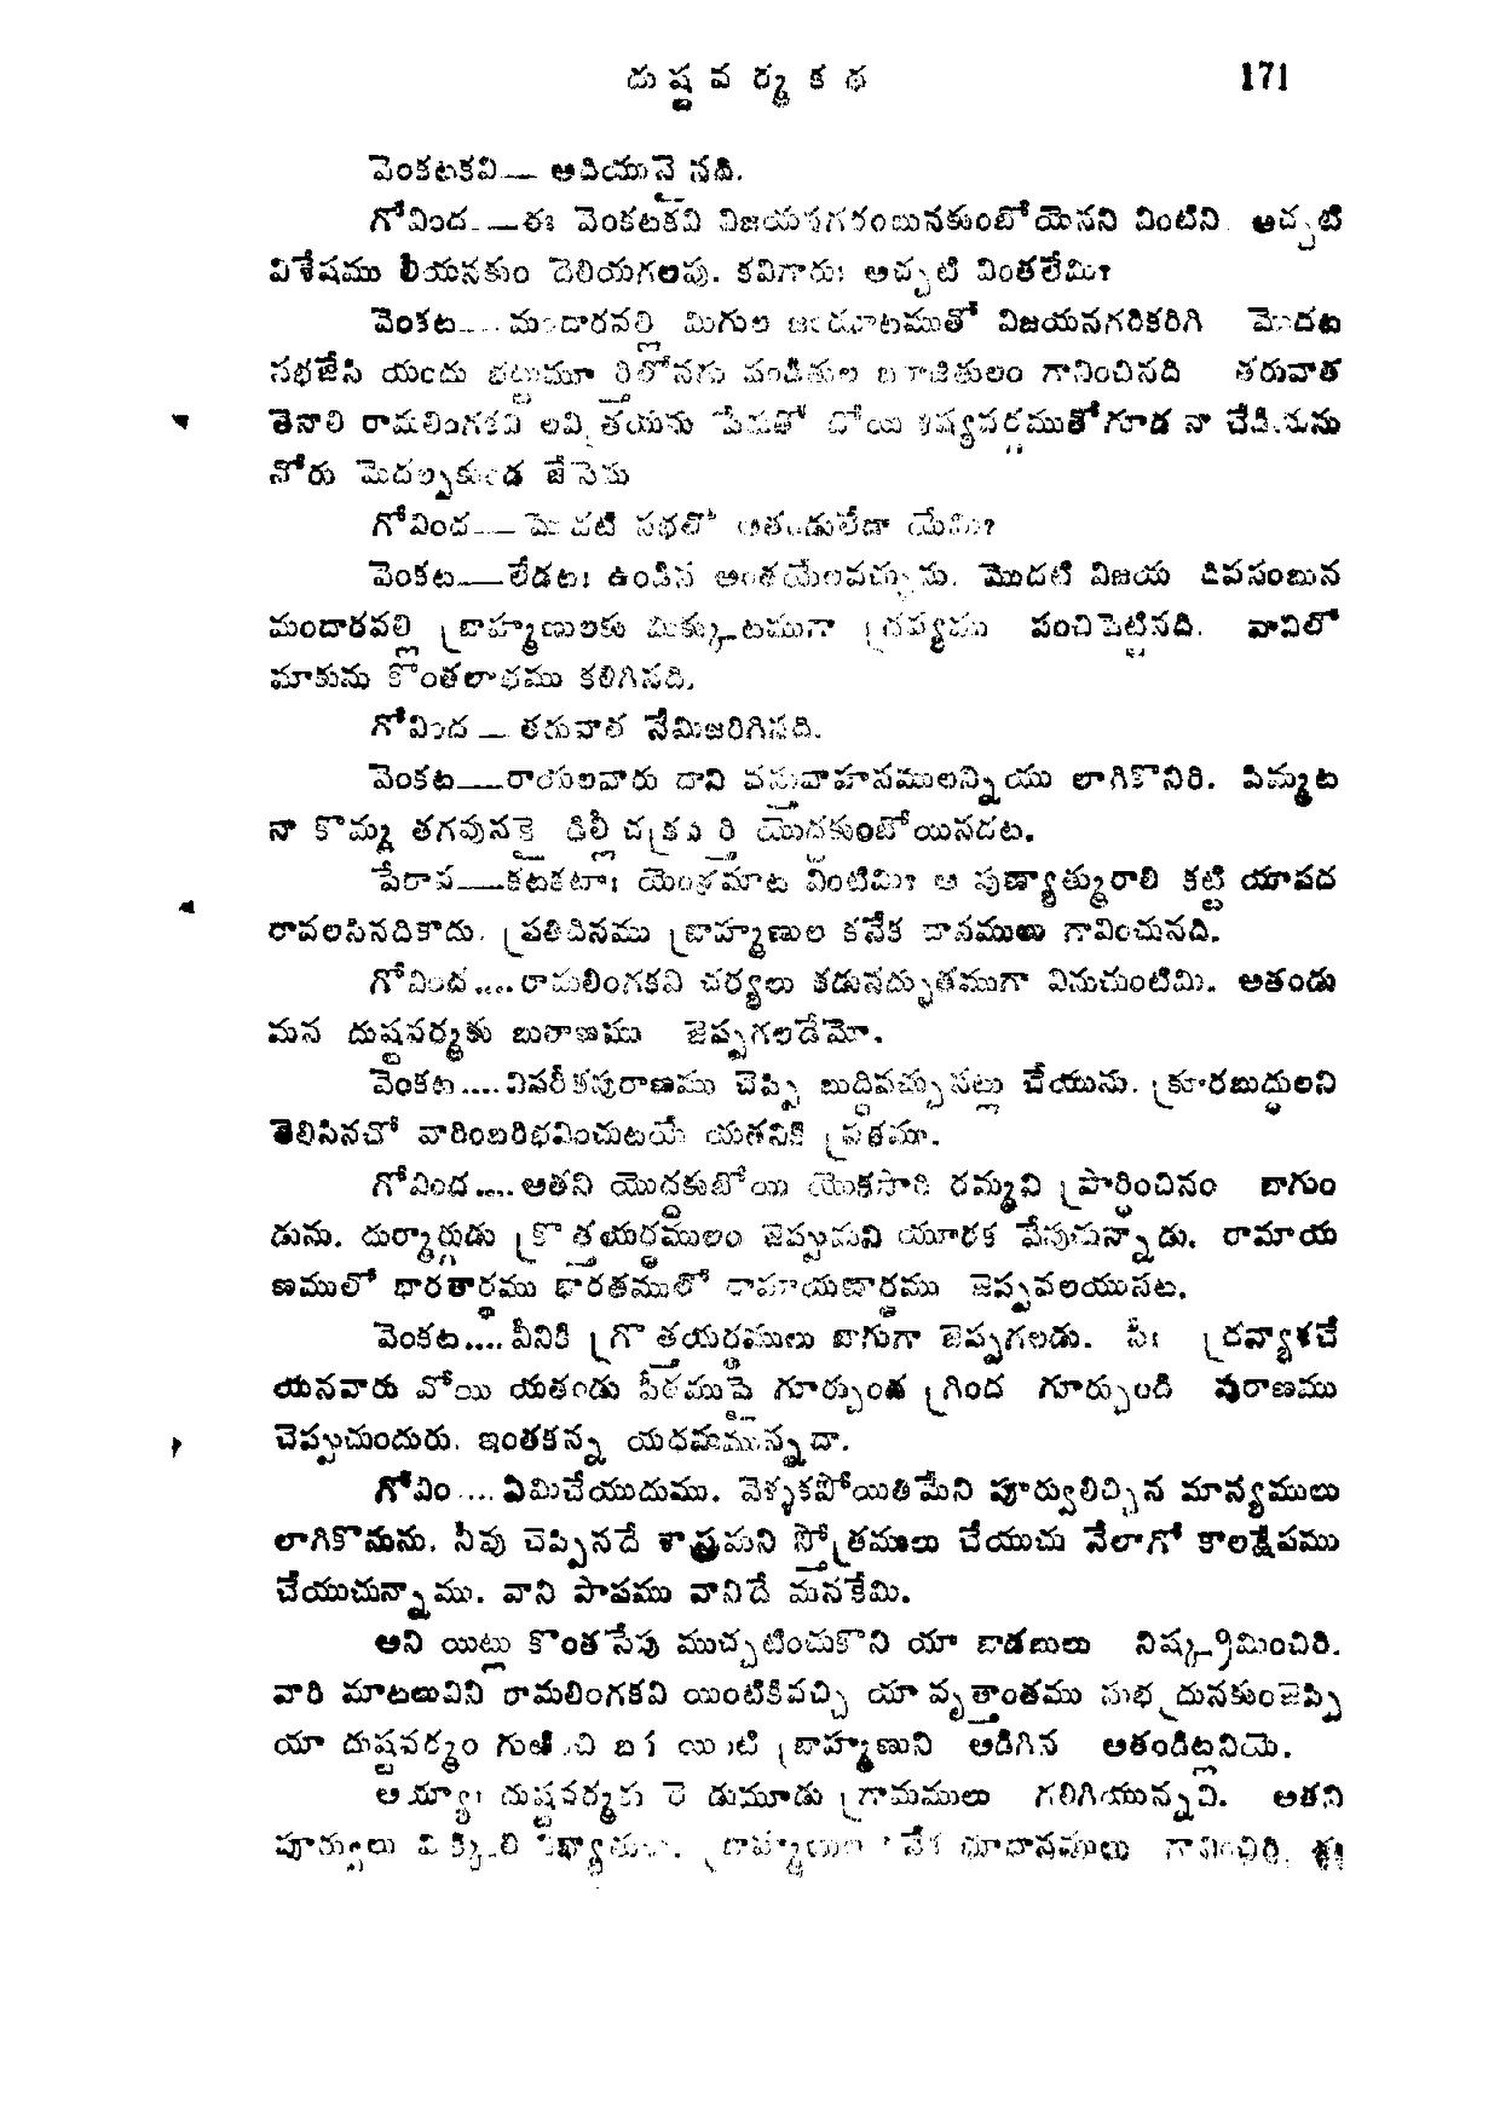వెంకటకవి - అదియునైనది.

గోవింద - ఈ వెంకటకవి విజయనగరంబునకుంబోయెనని వింటిని. అచ్చటి విశేషము లీయనకుం దెలియగలవు. కవిగారు అచ్చటి వింతలేమి ?

వెంకట - మందారవల్లి మిగుల జంఝాటముతో విజయనగరి కరిగి మొదట సభజేసి యందు భట్టుమూర్తిలోనగు పండితుల బరాజితులం గావించినది తరువాత తెనాలి రామలింగకవి లవిత్రయను పేరుతో బోయి శిష్యవర్గముతోగూడ నా చేడియను నోరు మెదల్పకుండ జేసెను.

గోవింద --- మొదటి సభలో అతండు లేడా యేమి ?

వెంకట - లేడట! ఉండిన అంతయేలవచ్చును. మొదటి విజయదివసంబున మందారవల్లి బ్రాహ్మణులకు మిక్కుటముగా ద్రవ్యము పంచిపెట్టినది. వానిలో మాకును కొంతలాభము కలిగినది.

గోవింద - తరువాత నేమిజరిగినది.

వెంకట - రాయలవారు దాని వస్తువాహనములన్నియు లాగికొనిరి. పిమ్మట నా కొమ్మ తగవునకై ఢిల్లీ చక్రవర్తి యొద్దకుంబోయినదట.

పేరావ - కటకటా! యెంతమాట వింటిమి? ఆ పుణ్యాత్మురాలి కట్టి యాపద రావలసినదికాదు. ప్రతిదినము బ్రాహ్మణుల కనేక దానములు గావించునది.

గోవింద - రామలింగకవి చర్యలు కడునద్భుతముగా వినుచుంటిమి. అతండు మన దుష్టవర్మకు బురాణము జెప్పగలడేమో.

వెంకట - విపరీతపురాణము చెప్పి బుద్దివచ్చునట్లు చేయును. క్రూరబుద్ధులని తెలిసినచో వారింబరిభవించుటయే. యతనికి వ్రతము.

గోవింద - అతని యొద్దకుబోయి యొకసారి రమ్మని ప్రార్థించినం బాగుండును. దుర్మార్గుడు క్రొత్తయర్థములం జెప్పుమని యూరక వేపుచున్నాడు. రామాయణములో భారతార్థము భారతములో రామాయణార్థము జెప్పవలయునట.

వెంకట - వీనికి గ్రొత్తయర్ధములు బాగుగా జెప్పగలడు. సీ! ద్రవ్యాశచే యనవారు వోయి యతండు పీఠముపై గూర్చుండ గ్రింద గూర్చుండి పురాణము చెప్పుచుందురు. ఇంతకన్న యధమమున్నదా.

గోవిం - ఏమిచేయుదుము. వెళ్ళకపోయితిమేని పూర్వులిచ్చిన మాన్యములు లాగికొనును. నీవు చెప్పినదే శాస్త్రమని స్తోత్రములు చేయుచు నేలాగో కాలక్షేపము చేయుచున్నాము. వాని పాపము వానిదే మనకేమి.

అని యిట్లు కొంతసేపు ముచ్చటించుకొని యా బాడబులు నిష్క్రమించిరి. వారి మాటలువిని రామలింగకవి యింటికివచ్చి యా వృత్తాంతము సుభద్రునకుంజెప్పి యా దుష్టవర్మం గుఱించి ఒక యింటి బాహ్మణుని అడిగిన అతండిట్లనియె.

అయ్యా! దుష్టవర్మకు రెండుమూడు గ్రామములు గలిగియున్నవి. అతని పూర్వులు మిక్కిలి విఖ్యాతులు. బ్రాహ్మణులనేక భూదానములు గావించిరి.